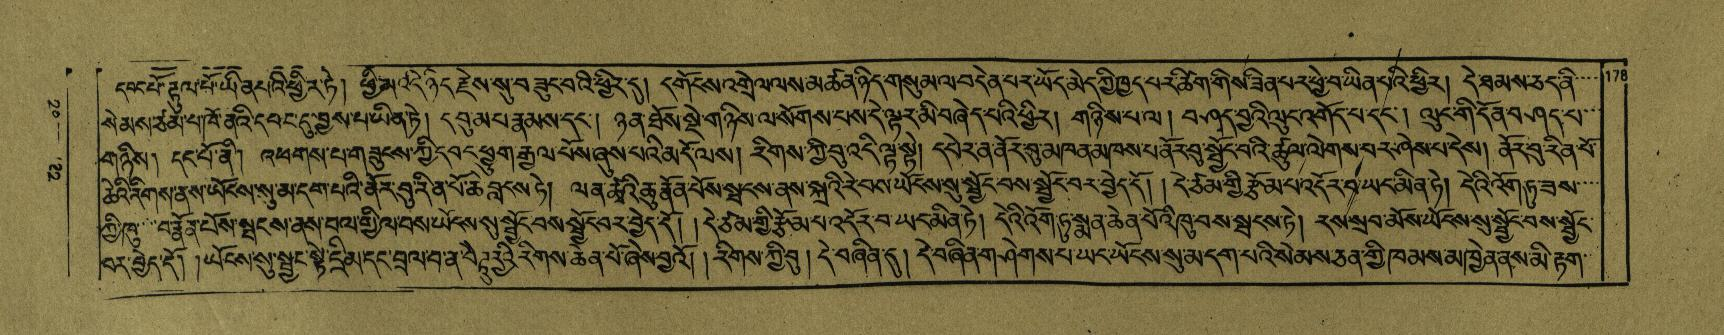དབང་པོ་རྟུལ་པོ་ཡིན་པའི་ཕྱིར་ཏེ། ཕྱི་མ་འདི་ཉིད་རྗེས་སུ་བཟུང་བའི་ཕྱིར་དུ། དགོངས་འགྲེལ་ལས་མཚན་ཉིད་གསུམ་ལ་བདེན་པར་ཡོད་མེད་ཀྱི་ཁྱད་པར་ཚིག་གིས་ཟིན་པར་ཕྱེ་བ་ཡིན་པའི་ཕྱིར། དེ་ཐམས་ཅད་ནི་
སེམས་ཙམ་པ་ཁོ་ནའི་དབང་དུ་བྱས་པ་ཡིན་ཏེ། དབུ་མ་པ་རྣམས་དང་། ཉན་ཐོས་སྡེ་གཉིས་ལ་སོགས་པས་དེ་ལྟར་མི་བཞེད་པའི་ཕྱིར། གཉིས་པ་ལ། བཤད་བྱའི་ལུང་འགོད་པ་དང་། ལུང་གི་དོན་བཤད་པ་
གཉིས། དང་པོ་ནི། འཕགས་པ་གཟུངས་ཀྱི་དབང་ཕྱུག་རྒྱལ་པོས་ཞུས་པའི་མདོ་ལས། རིགས་ཀྱི་བུ་འདི་ལྟ་སྟེ། དཔེར་ན་ནོར་བུ་མཁན་མཁས་པ་ནོར་བུ་སྦྱོང་པའི་ཚུལ་ལེགས་པར་ཤེས་པ་དེས། ནོར་བུ་རིན་པོ་
ཆེའི་རིགས་ནས་ཡོངས་སུ་མ་དག་པའི་ནོར་བུ་རིན་པོ་ཆེ་བླངས་ཏེ། ལན་ཚྭའི་ཆུ་རྣོན་པོས་སྦངས་ནས་སྐྲའི་རེ་བས་ཡོངས་སུ་སྦྱོང་བས་སྦྱོང་བར་བྱེད་དོ། །དེ་ཙམ་གྱི་རྩོམ་པ་འདོར་བ་ཡང་མིན་ཏེ། དེའི་འོག་ཏུ་ཟས་
ཀྱི་ཁུ་བ་རྣོན་པོས་སྦངས་ནས་བལ་གྱི་ལ་བས་ཡོངས་སུ་སྦྱོང་བས་སྦྱོང་བར་བྱེད་དོ། །དེ་ཙམ་གྱི་རྩོམ་པ་འདོར་བ་ཡང་མིན་ཏེ། དེའི་འོག་ཏུ་སྨན་ཆེན་པོའི་ཁུ་བས་སྦངས་ཏེ། རས་སྲབ་མོས་ཡོངས་སུ་སྦྱོང་བས་སྦྱོང་
བར་བྱེད་དོ། །ཡོངས་སུ་སྦྱང་སྟེ་དྲི་མ་དང་བྲལ་བ་ན་བཻཌཱུརྱའི་རིགས་ཆེན་པོ་ཞེས་བྱའོ། །རིགས་ཀྱི་བུ། དེ་བཞིན་དུ། དེ་བཞིན་གཤེགས་པ་ཡང་ཡོངས་སུ་མ་དག་པའི་སེམས་ཅན་གྱི་ཁམས་མཁྱེན་ནས་མི་རྟག་